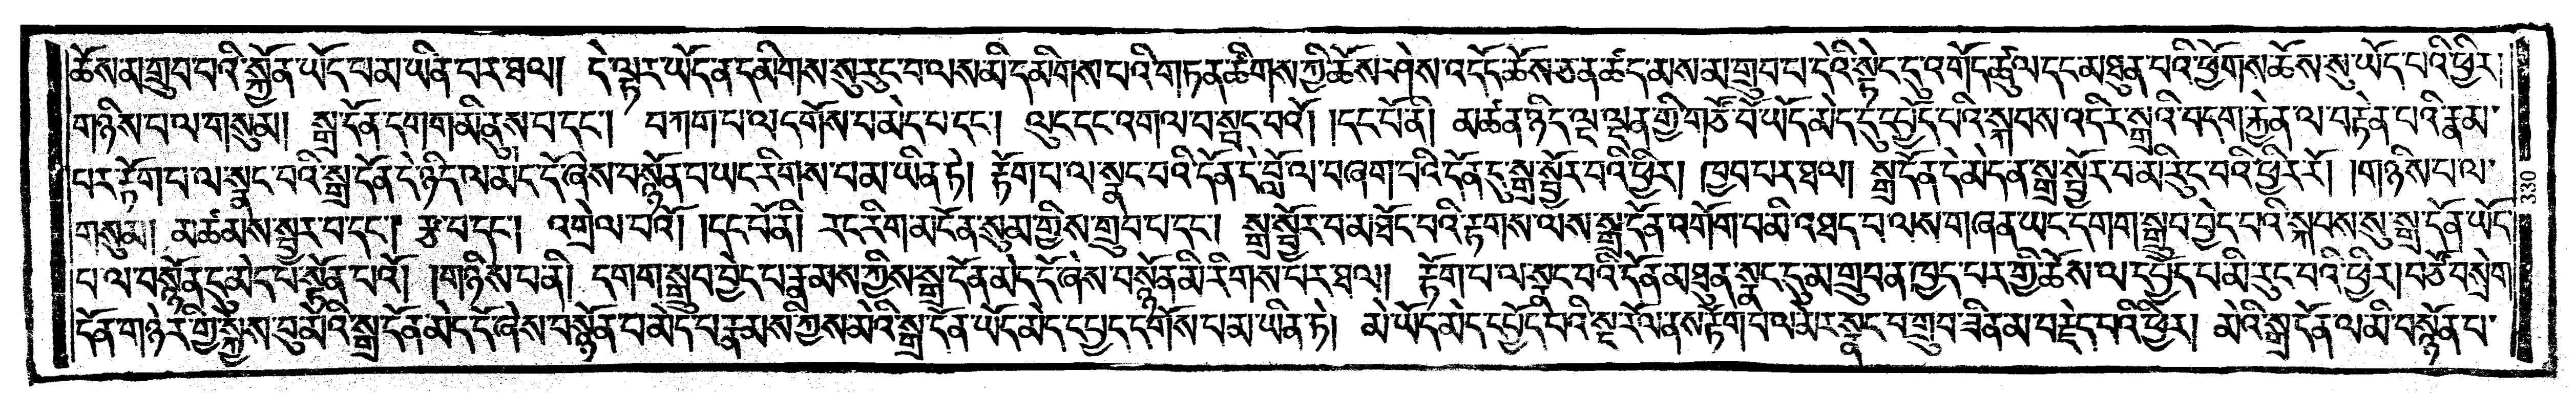ཆོས་མ་གྲུབ་པའི་སྐྱོན་ཡོད་པ་མ་ཡིན་པར་ཐལ། དེ་ལྟར་ཡོད་ན་དམིགས་སུ་རུང་བ་ལས་མི་དམིགས་པའི་གཏན་ཚིགས་ཀྱི་ཆོས་ཤེས་འདོད་ཆོས་ཅན་ཚད་མས་མ་གྲུབ་པ་དེའི་སྟེང་དུ་འགོད་ཚུལ་དང་མཐུན་པའི་ཕྱོགས་ཆོས་སུ་ཡོད་པའི་ཕྱིར།
གཉིས་པ་ལ་གསུམ། སྒྲ་དོན་དགག་མི་ནུས་པ་དང་། བཀག་པ་ལ་དགོས་པ་མེད་པ་དང་། ལུང་དང་འགལ་བ་སྤང་བའོ། དང་པོ་ནི། མཚན་ཉིད་ལྔ་ལྡན་གྱི་གཙོ་བོ་ཡོད་མེད་དུ་དཔྱོད་པའི་སྐབས་འདིར་སྒྲའི་བདག་རྐྱེན་ལ་བརྟེན་པའི་རྣམ་
པར་རྟོག་པ་ལ་སྣང་བའི་སྒྲ་དོན་དེ་ཉིད་ལ་མང་དོ་ཞེས་བསྙོན་བ་ཡང་རིགས་པ་མ་ཡིན་ཏེ། རྟོག་པ་ལ་སྣང་བའི་དོན་དེ་བློ་ལ་བཞག་པའི་དོན་དུ་སྒྲ་སྦྱོར་བའི་ཕྱིར། ཁྱབ་པར་ཐལ། སྒྲ་དོན་དེ་མེད་ན་སྒྲ་སྦྱོར་བ་མི་རུང་བའི་ཕྱིར་རོ། །གཉིས་པ་ལ་
གསུམ། མཚམས་སྦྱར་བ་དང་། རྩ་བ་དང་། འགྲེལ་བའོ། །དང་པོ་ནི། རང་རིག་མངོན་སུམ་གྱིས་གྲུབ་པ་དང་། སྒྲ་སྦྱོར་བ་མཐོང་བའི་རྟགས་ལས་སྒྲ་དོན་འགོག་པ་མི་འཐད་པ་ལས་གཞན་ཡང་དགག་སྒྲུབ་བྱེད་པའི་སྐབས་སུ་སྒྲ་དོན་ཡོད་
པ་ལ་བསྙོན་དུ་མེད་པ་སྟོན་པའོ། །གཉིས་པ་ནི། དགག་སྒྲུབ་བྱེད་པ་རྣམས་ཀྱིས་སྒྲ་དོན་མེད་དོ་ཞེས་བསྙོན་མི་རིགས་པར་ཐལ། རྟོག་པ་ལ་སྣང་བའི་དོན་མཐུན་སྣང་དུ་མ་གྲུབ་ན་ཁྱད་པར་གྱི་ཆོས་ལ་དཔྱོད་པ་མི་རུང་བའི་ཕྱིར། བཙོ་བསྲེག་
དོན་གཉེར་གྱི་སྐྱེས་བུ་མེའི་སྒྲ་དོན་མེད་དོ་ཞེས་བསྙོན་པ་མེད་པ་རྣམས་ཀྱིས་མེའི་སྒྲ་དོན་ཡོད་མེད་དཔྱད་དགོས་པ་མ་ཡིན་ཏེ། མེད་ཡོད་མེད་དཔྱོད་བའི་སྔ་རོལ་ནས་རྟོག་པ་ལ་མེར་སྣང་བ་གྲུབ་ཟིན་མ་བརྗོད་པའི་ཕྱིར། མེའི་སྒྲ་དོན་ལ་མི་བསྙོན་པ་